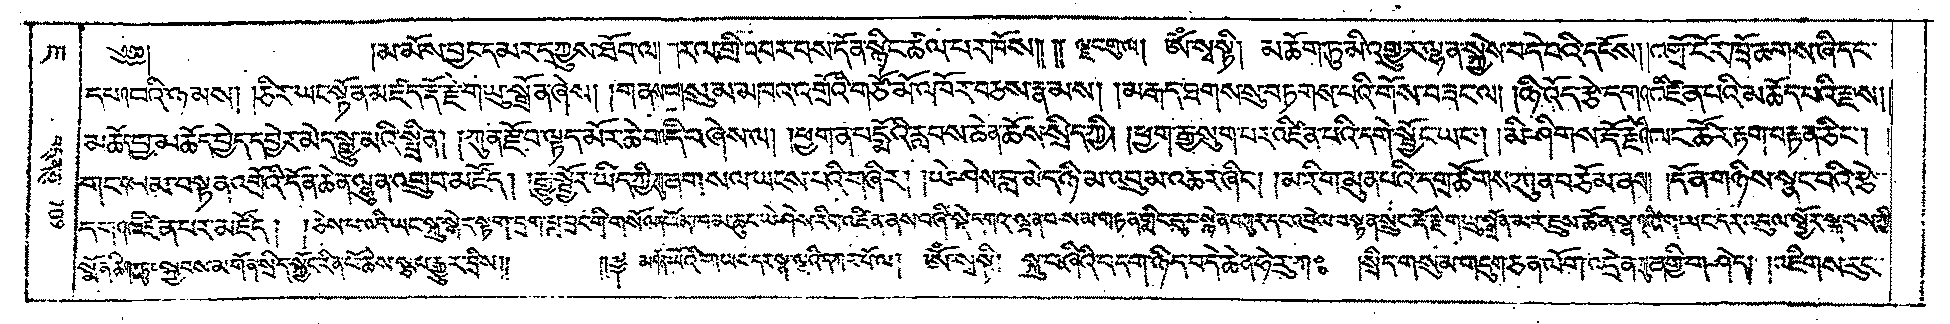༄༅། །མ་མོས་བྱང་དམར་དཀྱུས་ཐོབ་ལ། །རལ་གྲི་འབར་བས་དོན་སྙིང་ཚལ་པར་ཁོས།། །། ལྗང་གུ་ལ།  ཨོཾ་སྭ་སྟི། མཆོག་ཏུ་མི་འགྱུར་ལྷན་སྐྱེས་བདེ་བའི་དངོས། །འགྲོ་ངོར་ཁྲོ་ཆགས་ཞི་དང་
དཔའ་བའི་ཉམས། །ཅིར་ཡང་སྟོན་མཛད་རྡོ་རྗེ་གཡུ་སྒྲོན་ཞེས། །གནས་གསུམ་མཁའ་འགྲོའི་གཙོ་མོ་འཁོར་བཅས་རྣམས། །མརྒད་ཐགས་སུ་བཏགས་པའི་གོས་བཟང་ལ། །ཉི་འོད་རྩེ་དགའ་འཛིན་པའི་མཆོད་པའི་རྫས། །
མཆོད་བྱ་མཆོད་བྱེད་དབྱེར་མེད་སྒྱུ་མའི་སྤྲིན། །ཀུན་རྫོབ་ལྟད་མོར་ཆེ་བ་འདི་བཞེས་ལ། །ཕྱག་ན་པདམོའི་རླབས་ཆེན་ཆོས་སྲིད་ཀྱི། །ཕྱག་རྒྱ་སུག་པར་འཛིན་པའི་དགེ་སྦྱོང་ཡང་། །མི་ཤིགས་རྡོ་རྗེའི་ལང་ཚོར་རྟག་བརྟན་ཅིང་། །
གང་བསམ་བསྟན་འགྲོའི་དོན་ཆེན་ལྷུན་འགྲུབ་མཛོད། །རྒྱུ་སྦྱོར་ཡིད་ཀྱི་ཀུན་གསལ་ཡངས་པའི་གཞིར། །ཡེ་ཤེས་བླ་མེད་ཉི་མ་འབུམ་འཆར་ཞིང་། །མ་རིག་མུན་པའི་དགྲ་ཚོགས་ཀུན་བཅོམ་ནས། །དོན་གཉིས་སྣང་བའི་རྩེ་
དགའ་འཛིན་པར་མཛོད། །ཅེས་པ་འདི་ཡང་སྐུ་སྒེར་སྟག་བྲག་བླ་བྲང་གི་གསོལ་དཔོན་ཁམ་ཆུང་ཡེ་ཤེས་རིག་འཛིན་ནས་བཞི་སྡེ་དགའ་ལྡན་བསམ་གཏན་གླིང་དུ་བསྙེན་བཀུར་དང་འབྲེལ་བསྟན་སྲུང་རྡོ་རྗེ་གཡུ་སྒྲོན་མར་ཇུས་ཚོན་སྣ་ལྔའི་གཡང་དར་འབུལ་སྦྱོར་སྐབས་ཀྱི་
སྨོན་ཚིག་ཏུ་༧སྐྱབས་མགོན་སྲིད་སྐྱོང་རིན་པོ་ཆེས་སྩལ་རྒྱུར་བྲིས།། །། ༈ མགོན་པོའི་གཡང་དར་སྣ་ལྔའི་དཀར་པོ་ལ། ཨོཾ་སྭ་སྟི། སྐུ་བཞིའི་བདག་ཉིད་བདེ་ཆེན་ཧེ་རུ་ཀཿ །སྲིད་གསུམ་གདུག་ཅན་ལོག་འདྲེན་ཀུན་གྱི་གཤེད། །འཇིགས་རུང་